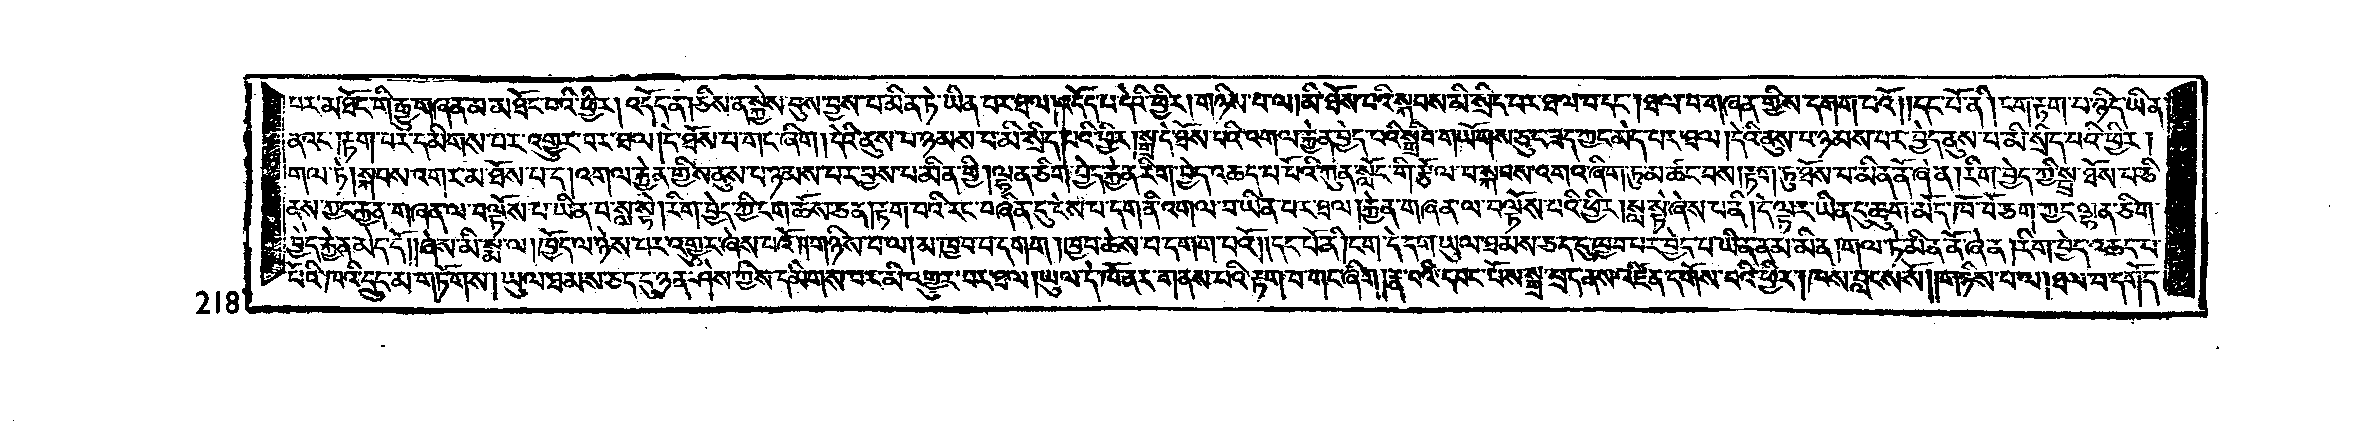པར་མཐོང་གི་རྒྱུ་གཞན་མ་མཐོང་བའི་ཕྱིར། འདོད་ན། ཅིས་ན་སྐྱེས་བུས་བྱས་པ་མིན་ཏེ་ཡིན་པར་ཐལ། འདོད་པ་དེའི་ཕྱིར། གཉིས་པ་ལ། མི་ཐོས་པའི་སྐབས་མི་སྲིད་པར་ཐལ་བ་དང་། ཐལ་བ་གཞན་གྱིས་དགག་པའོ། །དང་པོ་ནི། ངག་?་རྟག་པ་ཉིད་ཡིན་
ནའང་། རྟག་པར་དམིགས་པར་འགྱུར་བར་ཐལ། དེ་ཐོས་པ་གང་ཞིག །དེའི་ནུས་པ་ཉམས་པ་མི་སྲིད་པའི་ཕྱིར། སྒྲ་དེ་ཐོས་པའི་འགལ་རྐྱེན་བྱེད་པའི་སྒྲིབ་གཡོགས་ཅུང་ཟད་ཀྱང་མེད་པར་ཐལ། དེའི་ནུས་པ་ཉམས་པར་བྱེད་ནུས་པ་མི་སྲིད་པའི་ཕྱིར།
གལ་ཏེ། སྐབས་འགར་མ་ཐོས་པ་དེ། འགལ་རྐྱེན་གྱིས་ནུས་པ་ཉམས་པར་བྱས་པ་མིན་གྱི། ལྷན་ཅིག་བྱེད་རྐྱེན་རིག་བྱེད་འཆད་པ་པོའི་ཀུན་སློང་གི་རྩོལ་བ་སྐབས་འགའ་ཞིག་ཏུ་མ་ཚང་བས། རྟག་ཏུ་ཐོས་པ་མིན་ནོ་ཞེ་ན། རིག་བྱེད་ཀྱི་སྒྲ་ཐོས་པ་ཅི་
ནས་ཀྱང་རྐྱེན་?་གཞན་ལ་བལྟོས་པ་ཡིན་པ་སླ་སྟེ། རིག་བྱེད་ཀྱི་ངག་ཆོས་ཅན། རྟག་པའི་རང་བཞིན་དུ་ངེས་པ་དག་ནི་འགལ་བ་ཡིན་པར་ཐལ། རྐྱེན་གཞན་ལ་བལྟོས་པའི་ཕྱིར། སླ་སྟེ་ཞེས་པ་ནི། དེ་ལྟར་ཡིན་དུ་ཆུག་མོད་ཁོ་བོ་ཅག་ཀྱང་ལྷན་ཅིག་
བྱེད་རྐྱེན་མེད་དོ། །ཞེས་མི་སྨྲ་?་ལ། ཁྱོད་ལ་ཉེས་པར་འགྱུར་ཞེས་པའོ། །གཉིས་པ་ལ། མ་ཁྱབ་པ་དགག །ཁྱབ་ཆེས་པ་དགག་པའོ། དང་པོ་ནི། ངག་དེ་དག་ཡུལ་ཐམས་ཅད་དུ་ཁྱབ་པར་བྱེད་པ་ཡིན་ནམ་མིན། གལ་ཏེ་མིན་ནོ་ཞེ་ན། རིག་བྱེད་འཆད་པ་
པོའི་ཁའི་དྲུང་མ་གཏོགས། ཡུལ་ཐམས་ཅད་དུ་ཉན་ཤེས་ཀྱིས་དམིགས་པར་མི་འགྱུར་པར་ཐལ། ཡུལ་དེ་ཁོ་ནར་གནས་པའི་རྟག་པ་གང་ཞིག །རྣ་བའི་དབང་པོས་སྒྲ་ཕྲད་ནས་འཛིན་དགོས་པའི་ཕྱིར། ཁས་བླངས་སོ། །གཉིས་པ་ལ། ཐལ་བ་དགོད་